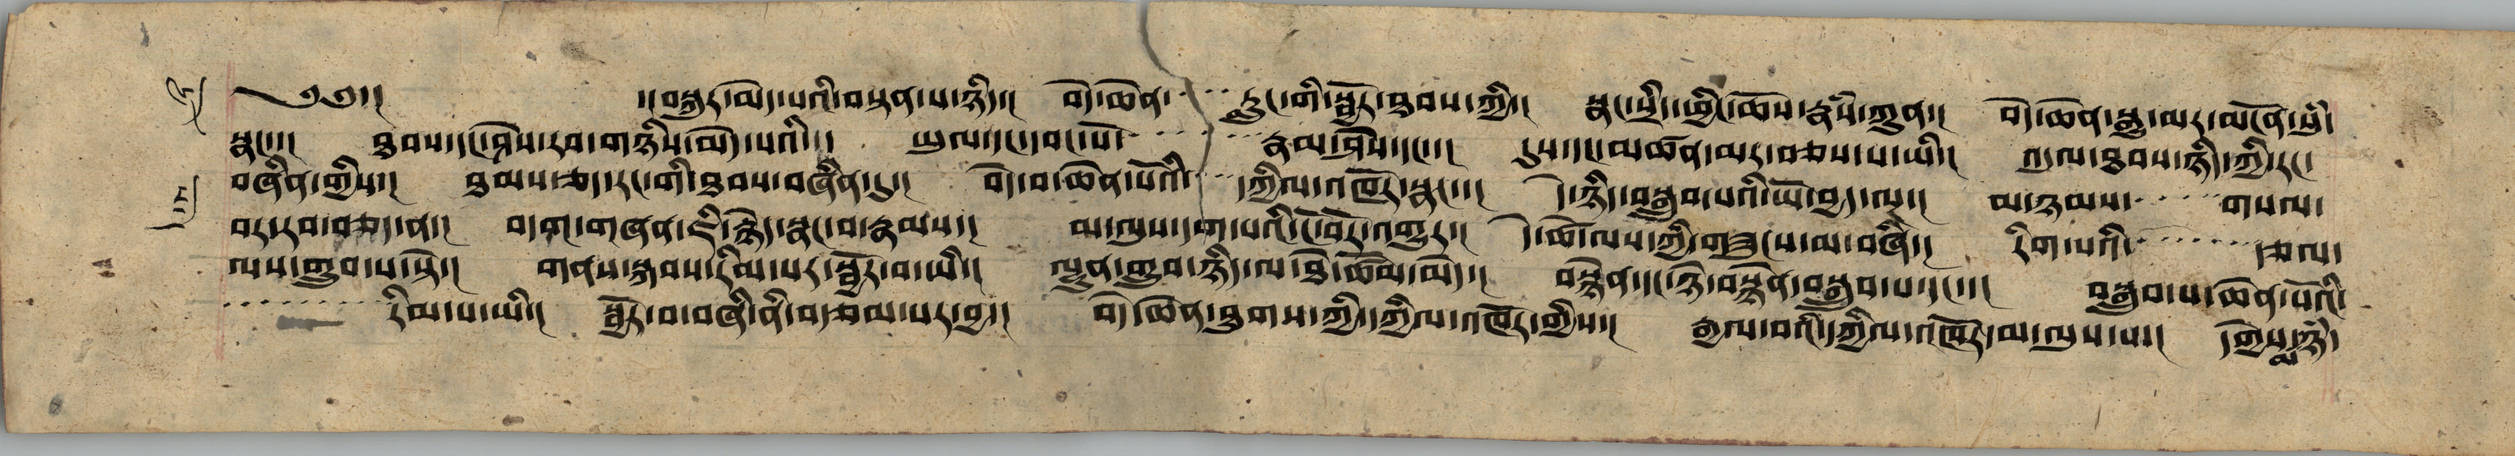༄༅་། ་།བསྐུར་མེད་པའི་བསྟན་པ་ཉིད་། བདེ་ཆེན་་་་རླུང་གི་སྦྱོར་ཐབས་ཀྱི་། སྣང་སྲིད་ཕྱིང་ཆོས་རྣཾས་ཀུན་། བདེ་ཆེན་སྒྱུ་མར་མངོན་སུཾ་
སྣང་་། ཐབས་དང་ཤེས་རབ་གཉིས་མེད་པའི་། ཡུལ་དང་དབང་པོ་ ་ ་ ་ ་ ་ ་རྣམ་ཤེས་དང་་། དུས་དང་མཚན་མར་བཅས་པ་ཡི་། འདུལ་ཐབས་ཉིད་ཀྱི་རང་
བཞིན་གྱིས་། ཐམས་ཅད་རང་གི་ཐབས་བཞིན་དུ་། བདེ་བ་ཆེན་པོའི་་་་དཀྱིལ་འཁོར་སྣང་་། དེ་ཉིད་བསྒྲུབ་པའི་ཡོ་བྱད་ལྔ་། མ་ཉམས་་་་ ་གསལ་
བར་རབ་བཅད་ན་། བདག་གཞན་ཇི་རྙེད་སྣང་བ་རྣམས་། མ་ལུས་དག་པའི་ངོ་བོར་འགྱུར་། དེ་ཚེ་ལས་ཀྱི་གཟུངས་མ་བཞི་། རིག་པའི་་་་་་་་རྩལ་
ལས་གྲུབ་པ་སྟེ་། གནས་སྐབས་རིམ་པར་སྦྱོར་བ་ཡི་། ལྷུན་གྲུབ་ཉིད་ལ་ཐེ་ཚོམ་མེད་། བསྙེན་དང་ཉེ་བསྙེན་བསྒྲུབ་པ་དང་་། བསྒྲུབ་པ་ཆེན་པོའི་
རིམ་པ་ཡི་། སྦྱོར་བ་བཞི་ནི་བརྩམ་པར་བྱ་། བདེ་ཆེན་ཐུགས་ཀྱི་དཀྱིལ་འཁོར་གྱིས་། རྒྱལ་བའི་དཀྱིལ་འཁོར་མ་ལུས་པ་། དགྱེས་མ་ཉིད་